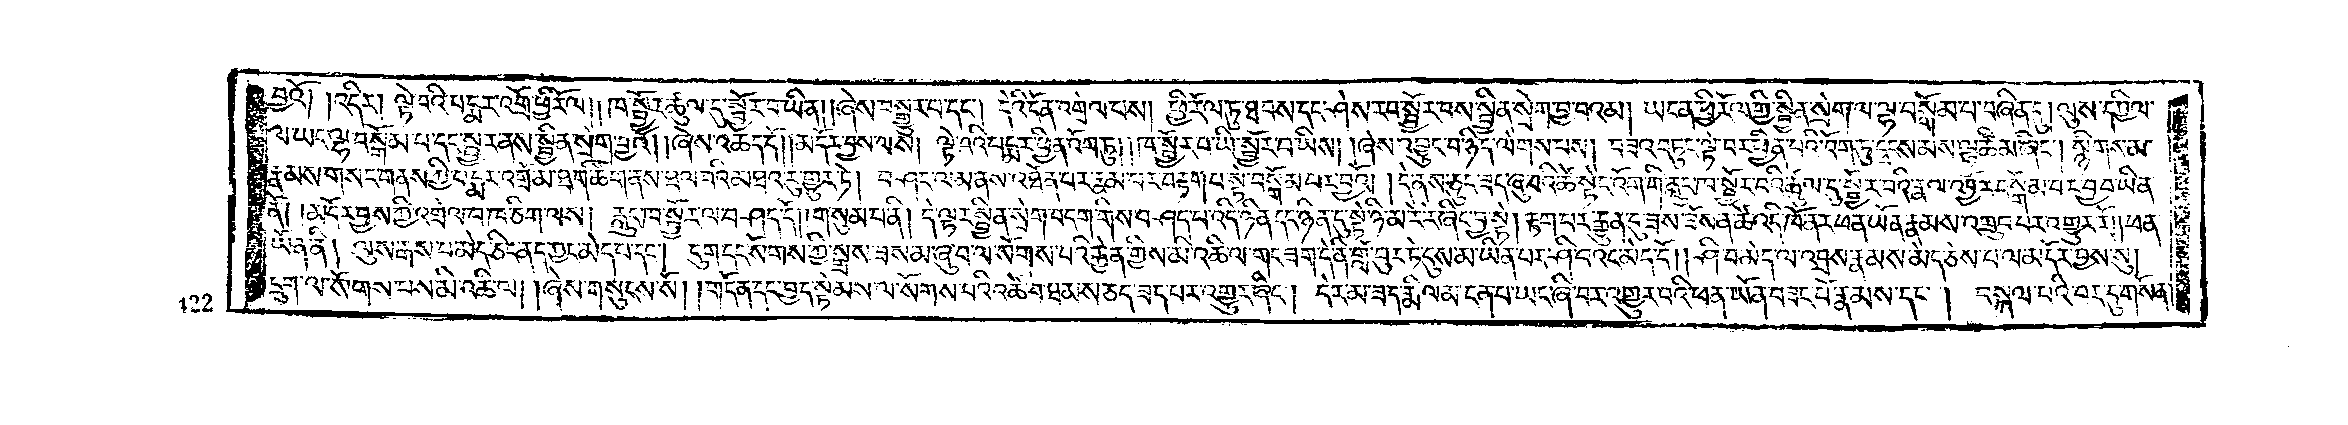བྱའོ། །འདིར། ལྟེ་བའི་པདམར་འགྲོ་ཕྱི་རོལ། །ཁ་སྦྱོར་ཚུལ་དུ་སྦྱོར་བ་ཡིན། །ཞེས་བསྒྱུར་པ་དང་། དེའི་དོན་འགྲེལ་པས། ཕྱི་རོལ་ཏུ་ཐབས་དང་ཤེས་རབ་སྦྱོར་བས་སྦྱིན་སྲེག་བྱ་བའམ། ཡང་ན་ཕྱི་རོལ་གྱི་སྦྱིན་སྲེག་ལ་ལྷ་བསྒོམ་པ་བཞིན་དུ། ལུས་དཀྱིལ་
ལ་ཡང་ལྷ་བསྒོམ་པ་དང་སྦྱར་ནས་སྦྱིན་སྲེག་བྱའོ། །ཞེས་འཆད་དོ། །མདོར་བྱས་ལས། ལྟེ་བའི་པདམར་ཕྱིན་འོག་ཏུ། །ཁ་སྦྱོར་བ་ཡི་སྦྱོར་བ་ཡིས། །ཞེས་འབྱུང་བ་ཉིད་ལེགས་པས། བཟའ་བཏུང་ལྟེ་བར་ཕྱིན་པའི་འོག་ཏུ་དྭངས་མས་ལྷ་ཚིམ་ཞིང་། སྙིགས་མ་
རྣམས་གསང་གནས་ཀྱི་པདམར་འགྲོ་མ་ཐག་ཚིག་ནས་ཐལ་བའི་མཐའ་རུ་གྱུར་ཏེ། བཤང་ལམ་ནས་འཐོན་པར་རྣམ་པར་བརྟག་པ་སྟེ་བསྒོམ་པར་བྱའོ། །དེ་ནས་ཅུང་ཟད་ཞུ་བའི་ཚེ་སྟེང་འོག་གི་རླུང་ཁ་སྦྱོར་བའི་ཚུལ་དུ་སྦྱོར་བའི་རྣལ་འབྱོར་བསྒོམ་པར་བྱ་བ་ཡིན་
ནོ། །མདོར་བྱས་ཀྱི་འགྲེལ་པ་ཁ་ཅིག་ལས། རླུང་ཁ་སྦྱོར་ལ་བཤད་དོ། །གསུམ་པ་ནི། དེ་ལྟར་སྦྱིན་སྲེག་བདག་གིས་བཤད་པ་འདི་ཉིན་དང་ཉིན་དུ་སྟེ་ཉི་མ་རེ་རེ་ཞིང་བྱ་སྟེ། རྟག་པར་རྒྱུན་དུ་ཟས་ཐོས་ན་ཚེ་འདི་ཁོ་ནར་ཕན་ཡོན་རྣམས་འགྲུབ་པར་འགྱུར་རོ། །ཕན་
ཡོན་ནི། ལུས་རྒས་པ་མེད་ཅིང་ནད་ཀྱང་མེད་པ་དང་། དུག་དང་སོགས་ཀྱི་སྒྲས་ཟས་མ་ཞུབ་ལ་སོགས་པའི་རྐྱེན་གྱིས་མི་འཆི་ལ་གང་ཟག་དེ་ནི་གློ་བུར་ཏེ་དུས་མ་ཡིན་པར་ཤི་བའང་མེད་དོ། །ཤི་བ་མེད་ལ་འབྲས་རྣམས་མེད་ཅེས་པ་ལ་མདོར་བྱས་སུ།
དུག་ལ་སོགས་པས་མི་འཆི་ལ། །ཞེས་གསུངས་སོ། །གདོན་དང་བྱད་སྟིམས་ལ་སོགས་པའི་འཚེ་བ་ཐམས་ཅད་ཟད་པར་འགྱུར་ཞིང་། དེར་མ་ཟད་རྨི་ལམ་ངན་པ་ཡང་ཞི་བར་འགྱུར་བའི་ཕན་ཡོན་བཟང་པོ་རྣམས་དང་། བསྐལ་པའི་བར་དུ་གསོན་